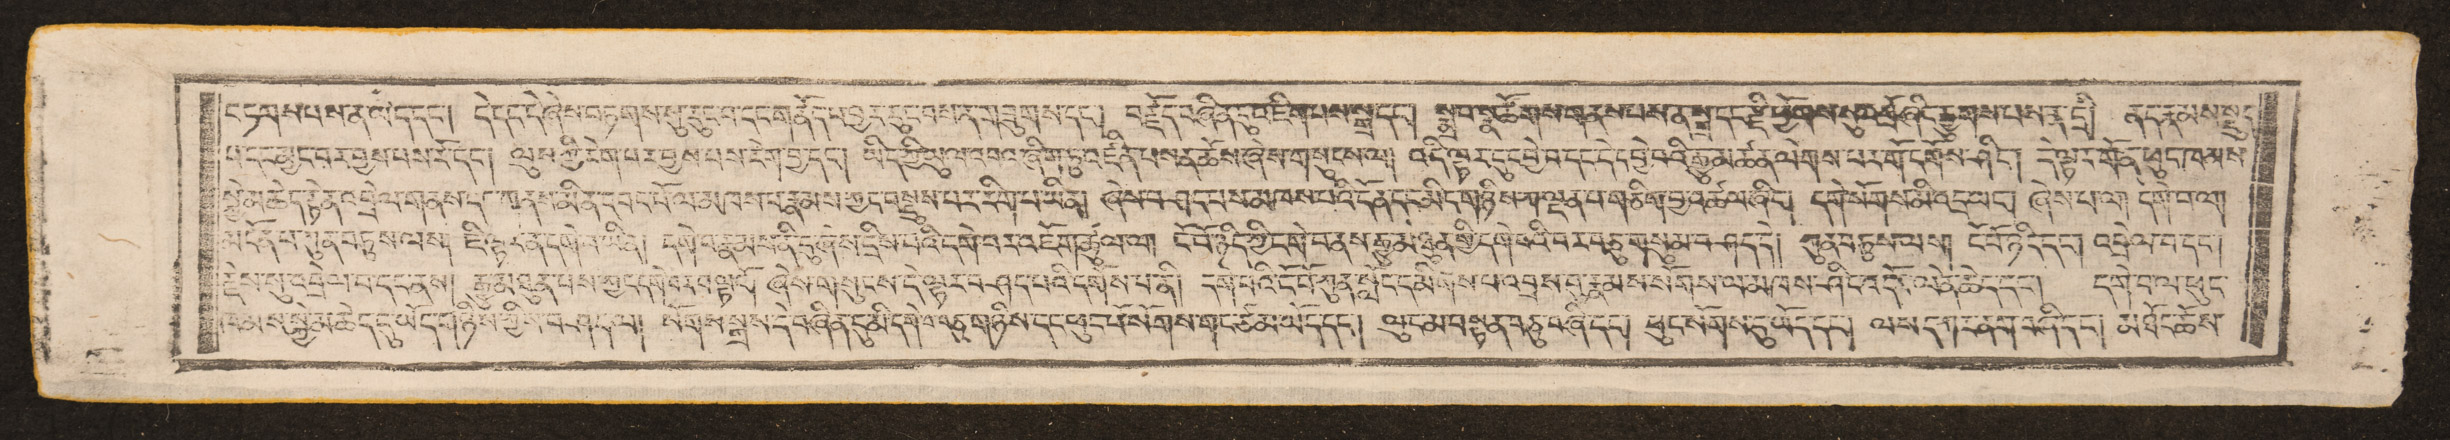བཏགས་པས་ན་ཡིད་དང་། དེ་དང་དེ་ཞེས་བཏགས་སུ་རུང་བ་དང་གནོད་པ་བྱར་རུང་བས་ན་གཟུགས་དང་། བརྗོད་བཞིན་དུ་འཇིག་པས་སྒྲ་དང་། སྨྲ་བ་སྣ་ཚོགས་གནས་པས་ན་སྒྲ་དང་རྫི་ཕྱོགས་སུ་འགྲོ་ཞིང་རྒྱུགས་པས་ན་དྲི། ནད་རྣམས་སྡུད་
པ་དང་མྱང་བར་བྱས་པས་རོ་དང་། ལུས་ཀྱི་རེག་པར་བྱས་པས་རེག་བྱ་དང་། ཡིད་ཀྱི་ཡུལ་འབའ་ཞིག་ཏུ་འཛིན་པས་ན་ཆོས་ཞེས་གསུངས་ལ། འདི་ལྟར་དུ་དབྱེ་བ་དང་དེ་དབྱེ་བའི་རྒྱུ་མཚན་ལེགས་པར་གོ་དགོས་ཤིང་། དེ་ལྟར་གོན་ཕུང་ཁམས་
སྐྱེ་མཆེད་རྟེན་འབྲེལ་གནས་དང་གནས་མིན་དབང་པོ་ལ་མཁས་པ་རྣམས་ཀྱང་བསྡུས་པར་རིག་པ་ཡིན། ཞེས་བཤད་པས་མཁས་པའི་དོན་དང་མིང་གཉིས་ཀ་ལྡན་པ་གཅིག་བྱ་འཚལ་ཞིང་། དགེ་སོགས་མི་འདྲ་ཡང་། ཞེས་པ་ལ། དགེ་བ་ལ།
མངོན་པ་ཀུན་བཏུས་ལས། ཇི་ལྟར་ན་དགེ་བ་ཡིན། དགེ་བ་རྣམས་ནི་དུ་ཞེས་དྲིས་པའི་དགེ་བར་འཇོག་ཚུལ་ལ། ངོ་བོ་ཉིད་ཀྱི་དགེ་བ་ནས་རྒྱུ་མཐུན་གྱི་དགེ་བའི་བར་བཅུ་གསུམ་བཤད་དེ། ཀུན་བཏུས་ལས། ངོ་བོ་ཉིད་དང་། འབྲེལ་བ་དང་།
རྗེས་སུ་འབྲེལ་བ་དད་ནས། རྒྱུ་མཐུན་པས་ཀྱང་དགེ་བར་བལྟའོ། ཞེས་གསུངས་དེ་ལྟར་བཤད་པའི་དགོས་པ་ནི། དགེ་བའི་ངོ་བོ་ཀུན་སློང་དམིགས་པ་འབྲས་བུ་རྣམས་སོགས་ལ་མཁས་ཤིང་འདོར་ལེན་ཆེད་དང་། དགེ་བ་ལ་ཕུང་
ཁམས་སྐྱེ་མཆེད་དུ་ཡོད་གཉིས་ཀྱིས་བཤད་ལ། སོགས་སྒྲས་དེ་བཞིན་དུ་མི་དགེ་བ་བཅུ་གཉིས་དང་ཕུང་པོ་སོགས་གང་ཙམ་ཡོད་དང་། ལུང་མ་བསྟན་བཅུ་བཞི་དང་། ཕུང་སོགས་དུ་ཡོད་དང་། ལས་དཀར་ནག་བཞི་དང་། མཐོང་ཆོས་